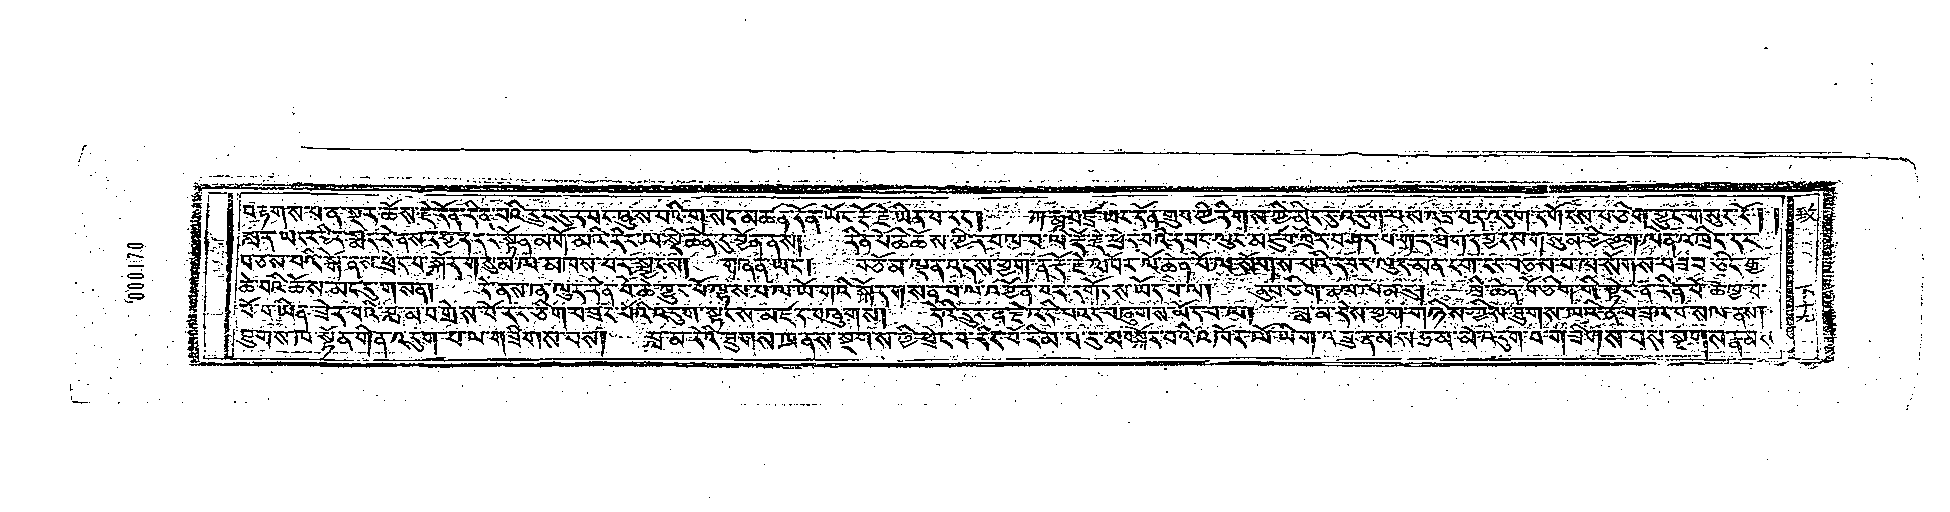བརྟགས་པ་ན་སྔར་ཆོས་རྗེ་དོན་རིན་པའི་དྲུང་དུ་དབང་ཞུས་པའི་གསང་མཚན་དོན་ཡོང་རྡོ་རྗེ་ཡིན་པ་དང་། ཀརྨཱ་བཛྲ་ཡང་དོན་གྲུབ་ཀྱི་རིགས་ཀྱི་མིང་དུ་འདུག་པས་འདྲ་བར་འདུག་དགོངས་པ་ཅིག་བྱུང་གསུང་ངོ། །
སླར་ཡང་དབྱིང་སྨེད་དེ་ནས་དབྱར་དང་སྟོན་མགོ་མའི་རིང་ལ་སྡེ་ཆེན་དུ་བྱོན་ནས། རིན་པོ་ཆེ་ཆོས་ཀྱི་དཔལ་བ་ལི་རྡོ་རྗེ་ཕྲེད་པའི་དབང་ལུང་མཛུབ་ཁྲིད་བཤད་པ་གར་ཐིག་དབྱངས་གསུམ་གྱི་ཕྱག་ལེན་འཁྲིད་དང་
བཅས་པའི་སྒོ་ནས་ཕྲེང་བ་སྐོར་གསུམ་ལ་མཁས་པར་སྦྱངས། གཞན་ཡང་། བཅོམ་ལྡན་འདས་ཕྱག་ན་རྡོ་རྗེ་འཁོར་ལོ་ཆེན་པོ་ལ་སོགས་པའི་དབང་ལུང་མན་ངག་དང་བཅས་པ་ལ་སོགས་པ་ཟབ་ཅིང་རྒྱ་
ཆེ་བའི་ཆོས་མང་དུ་གསན། དེ་ནས་ཞ་ལུར་རིན་པོ་ཆེ་ཁྱུང་པོ་ལྷས་པ་ལ་ཡོ་གའི་སྐོར་གསན་པ་ལ་འབྱོན་བྱུང་དགོངས་ཡོད་པ་ལ། ནུབ་ཅིག་རྣལ་ལམ་དུ། ཁྲི་ཆེན་པོ་ཅིག་གི་སྟེང་ན་རིན་པོ་ཆེ་ཁྱ་བ་
པོ་བ་ཡིན་ཟེར་བའི་བླ་མ་བགྲེས་བོ་དང་ཅིག་བཟང་པོའི་འདུག་སྟངས་མཛད་བཞུགས། དེའི་དྲུང་ན་རྗེ་འདི་པའང་བཞུགས་ཡོད་པ་ལ། བླ་མ་དེས་ཕྱག་གཉིས་ཀྱིས་ཐུགས་ཁའི་ན་བཟའ་བསོལ་ནས།
ཐུགས་ཁ་སྟོན་གིན་འདུག་པ་ལ་གཟིགས་པས། བླ་མ་དེའི་ཐུགས་ཁ་ནས་སྔགས་ཀྱི་ཕྲེང་བ་རིང་བོ་རིམ་པ་དུ་མ་བསྐོར་བའི་འཁོར་ལོ་ཡིག་འབྲུ་རྣམས་ཧྲམ་མེ་འདུག་བ་གཟིགས་བས་སྔགས་རྣམས་